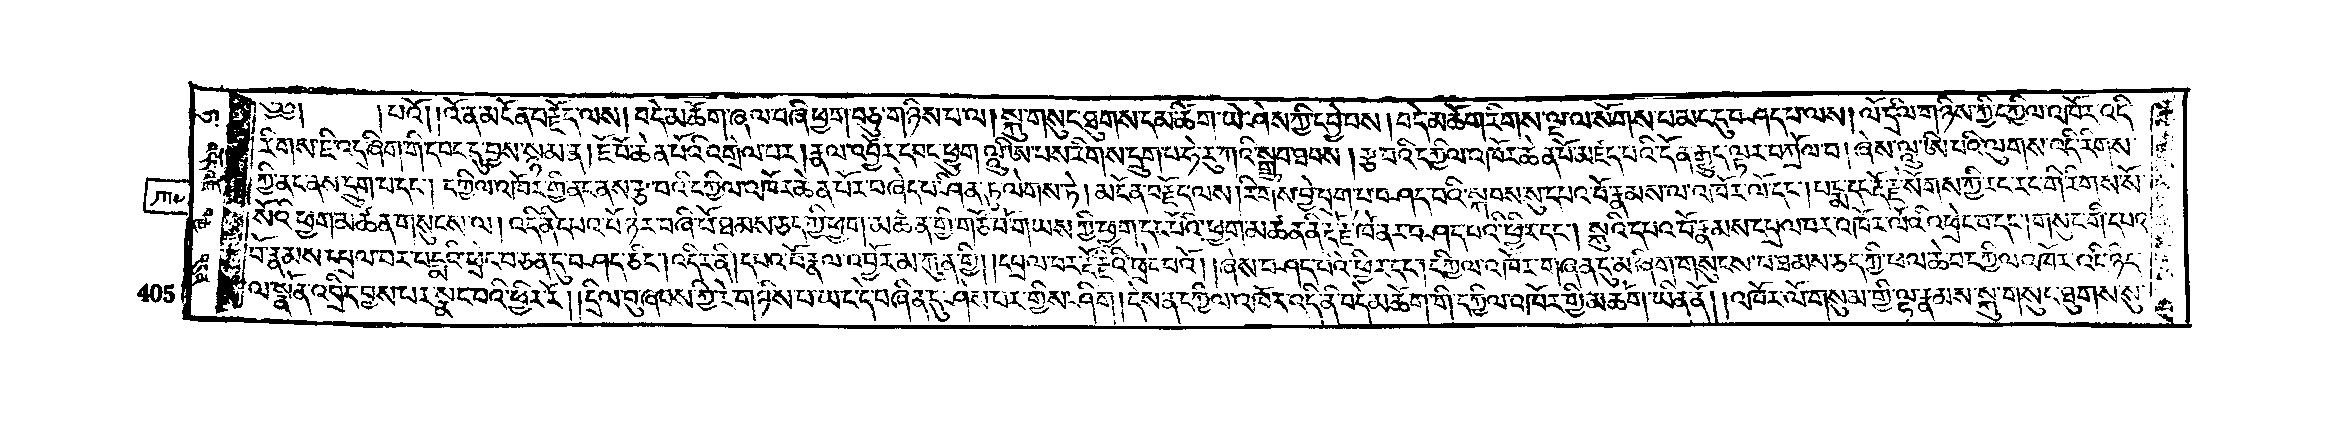༄༅། །པའོ། །འོ་ན་མངོན་བརྗོད་ལས། བདེ་མཆོག་ཞལ་བཞི་ཕྱག་བཅུ་གཉིས་པ་ལ། སྐུ་གསུང་ཐུགས་དམ་ཚིག་ཡེ་ཤེས་ཀྱི་དབྱེ་བས། བདེ་མཆོག་རིགས་ལྔ་ལ་སོགས་པ་མང་དུ་བཤད་པ་ལས། ལོ་དྲིལ་གཉིས་ཀྱི་དཀྱིལ་འཁོར་འདི་
རིགས་ཇི་འདྲ་ཞིག་གི་དབང་དུ་བྱས་སྙམ་ན། ཇོ་བོ་ཆེན་པོའི་འགྲེལ་པར། རྣལ་འབྱོར་དབང་ཕྱུག་ལཱུ་ཨི་པས་རིགས་དྲུག་པ་ཧེ་རུ་ཀའི་སྒྲུབ་ཐབས། རྩ་བའི་དཀྱིལ་འཁོར་ཆེན་པོ་མཛད་པའི་དོན་རྒྱུད་ལྟར་བཀྲོལ་བ། ཞེས་ལཱུ་ཨི་པའི་ལུགས་འདི་རིགས་
ཀྱི་ནང་ནས་དྲུག་པ་དང་། དཀྱིལ་འཁོར་གྱི་ནང་ནས་རྩ་བའི་དཀྱིལ་འཁོར་ཆེན་པོར་བཞེད་པ་ཤིན་ཏུ་ལེགས་ཏེ། མངོན་བརྗོད་ལས། རིགས་བྱེ་བྲག་པ་བཤད་པའི་སྐབས་སུ་དཔའ་བོ་རྣམས་ལ་འཁོར་ལོ་དང་། པདམ་དང་རྡོ་རྗེ་སོགས་ཀྱི་རང་རང་གི་རིགས་སོ་
སོའི་ཕྱག་མཚན་གསུངས་ལ། འདི་ནི་དཔའ་བོ་ཉེར་བཞི་པོ་ཐམས་ཅད་ཀྱི་ཕྱག་མཚན་གྱི་གཙོ་བོ་གཡས་ཀྱི་ཕྱག་དང་པོའི་ཕྱག་མཚན་ནི་རྡོ་རྗེ་ཁོ་ནར་བཤད་པའི་ཕྱིར་དང་། སྐུའི་དཔའ་བོ་རྣམས་དཔྲལ་བར་འཁོར་ལོའི་འཕྲེང་བ་དང་། གསུང་གི་དཔའ་
བོ་རྣམས་དཔྲལ་བར་པདམའི་ཕྲེང་བ་ཅན་དུ་བཤད་ཅིང་། འདིར་ནི། དཔའ་བོ་རྣལ་འབྱོར་མ་ཀུན་གྱི། །དཔྲལ་བར་རྡོ་རྗེའི་ཕྲེང་བའོ། །ཞེས་བཤད་པའི་ཕྱིར་དང་། དཀྱིལ་འཁོར་གཞན་དུ་མ་ཞིག་གསུངས་པ་ཐམས་ཅད་ཀྱི་ཕལ་ཆེ་བ་དཀྱིལ་འཁོར་འདི་ཉིད་
ལ་སྣོན་འབྲིད་བྱས་པར་སྣང་བའི་ཕྱིར་རོ། །དྲིལ་བུ་ཞབས་ཀྱི་རེ་གཉིས་པ་ཡང་དེ་བཞིན་དུ་ཤེས་པར་གྱིས་ཤིག །དེས་ན་དཀྱིལ་འཁོར་འདི་ནི་བདེ་མཆོག་གི་དཀྱིལ་འཁོར་གྱི་མཆོག་ཡིན་ནོ། །འཁོར་ལོ་གསུམ་གྱི་ལྷ་རྣམས་སྐུ་གསུང་ཐུགས་སུ་